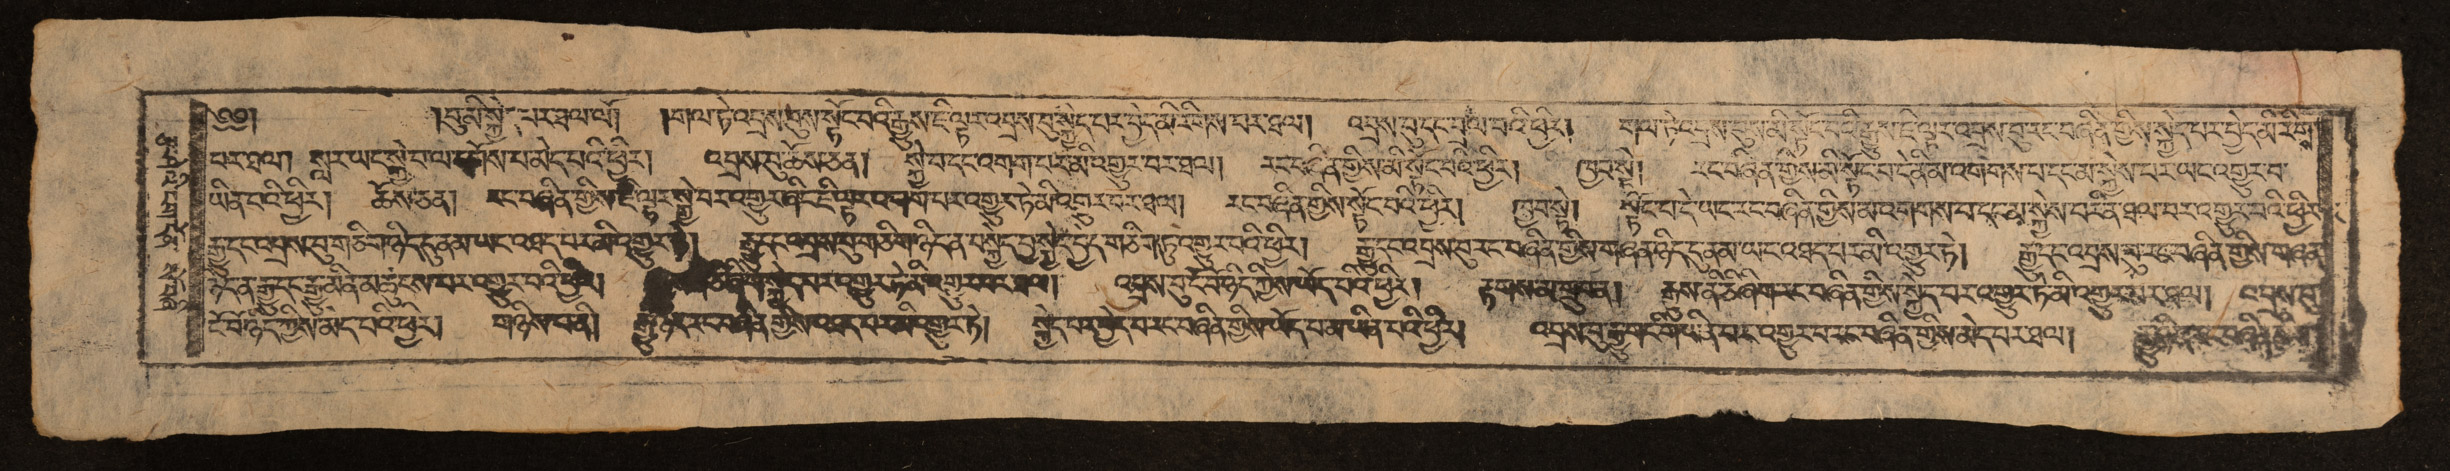༄༅། །བུ་མི་སྐྱེད་པར་ཐལ་ལོ། །གལ་ཏེ་འབྲས་བུས་སྟོང་བའི་རྒྱུས་ཇི་ལྟར་འབྲས་བུ་སྐྱེད་པར་བྱེད་མི་རིགས་པར་ཐལ། འབྲས་བུ་དང་བྲལ་བའི་ཕྱིར། གལ་ཏེ་འབྲས་བུས་མི་སྟོང་བའི་རྒྱུས་ཇི་ལྟར་འབྲས་བུ་རང་བཞིན་གྱིས་སྐྱེད་པར་བྱེད་མི་རིགས་
པར་ཐལ། སླར་ཡང་སྐྱེ་བ་ལ་དགོས་པ་མེད་པའི་ཕྱིར། འབྲས་བུ་ཆོས་ཅན། སྐྱེ་བ་དང་འགག་པར་མི་འགྱུར་བར་ཐལ། རང་བཞིན་གྱིས་མི་སྟོང་བའི་ཕྱིར། ཁྱབ་སྟེ། རང་བཞིན་གྱིས་མི་སྟོང་བ་དེ་ནི་མ་འགགས་པ་དང་མ་སྐྱེས་པར་ཡང་འགྱུར་བ་
ཡིན་པའི་ཕྱིར། ཆོས་ཅན། རང་བཞིན་གྱིས་ཇི་ལྟར་སྐྱེ་བར་འགྱུར་ཞིང་ཇི་ལྟར་འགག་པར་འགྱུར་ཏེ་མི་འགྱུར་བར་ཐལ། རང་བཞིན་གྱིས་སྟོང་བའི་ཕྱིར། ཁྱབ་སྟེ། སྟོང་པ་དེ་ཡང་རང་བཞིན་གྱིས་མ་འགགས་པ་དང་མ་སྐྱེས་པ་རིན་ཐལ་བར་འགྱུར་བའི་ཕྱིར་
རྒྱུ་དང་འབྲས་བུ་གཅིག་ཉིད་དུ་ནམ་ཡང་འཐད་པར་མི་འགྱུར་ཏེ། རྒྱུ་དང་འབྲས་བུ་གཅིག་ཉིད་ན་བསྐྱེད་བྱ་སྐྱེད་བྱེད་གཅིག་ཏུ་འགྱུར་བའི་ཕྱིར། རྒྱུ་དང་འབྲས་བུ་རང་བཞིན་གྱིས་གཞན་ཉིད་དུ་ནམ་ཡང་འཐད་པར་མི་འགྱུར་ཏེ། རྒྱུ་དང་འབྲས་བུ་རང་བཞིན་གྱིས་གཞན་
ཉིད་ན་རྒྱུ་དང་རྒྱུ་མིན་མཚུངས་པར་འགྱུར་བའི་ཕྱིར། རྒྱུས་ནི་ཅི་ཞིག་སྐྱེད་པར་འགྱུར་ཏེ་མི་འགྱུར་བར་ཐལ། འབྲས་བུ་ངོ་བོ་ཉིད་ཀྱིས་ཡོད་པའི་ཕྱིར། རྟགས་མ་གྲུབ་ན། རྒྱུས་ནི་ཅི་ཞིག་རང་བཞིན་གྱིས་སྐྱེད་པར་འགྱུར་ཏེ་མི་འགྱུར་བར་ཐལ། འབྲས་བུ་
ངོ་བོ་ཉིད་ཀྱིས་མེད་པའི་ཕྱིར། གཉིས་པ་ནི། རྒྱུ་ཉིད་རང་བཞིན་གྱིས་འཐད་པར་མི་འགྱུར་ཏེ། སྐྱེད་པར་བྱེད་པ་རང་བཞིན་གྱིས་ཡོད་པ་མ་ཡིན་པའི་ཕྱིར། འབྲས་བུ་རྒྱུ་གང་གི་ཡིན་པར་འགྱུར་བ་རང་བཞིན་གྱིས་མེད་པར་ཐལ། རྒྱུ་ཉིད་རང་བཞིན་གྱིས་